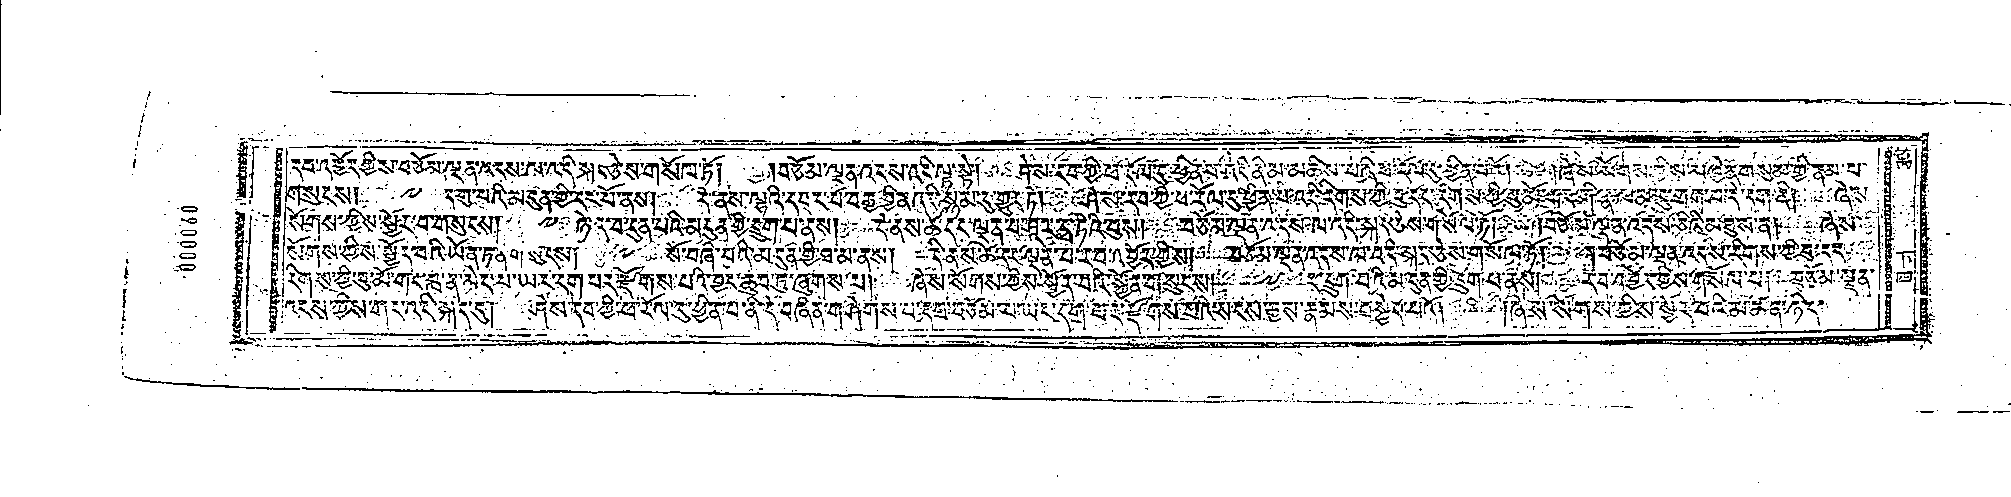རབ་འབྱོར་གྱིས་བཅོམ་ལྡན་འདས་ལ་འདི་སྐད་ཅེས་གསོལ་ཏོ། །བཅོམ་ལྡན་འདས་འདི་ལྟ་སྟེ། ཤེས་རབ་ཀྱི་ཕ་རོལ་དུ་ཕྱིན་པ་འདི་ནི་མ་མཆིས་པའི་ཕ་རོལ་དུ་ཕྱིན་པའོ། །ཞེས་སོགས་ཀྱིས་མཁྱེན་གསུམ་གྱི་རྣམ་པ་
གསུངས། ༧་དགུ་པའི་མདུན་གྱི་དང་པོ་ནས། དེ་ནས་ལྷའི་དབང་པོ་བརྒྱ་བྱིན་འདི་སྙམ་དུ་གྱུར་ཏེ། ཤེས་རབ་ཀྱི་ཕ་རོལ་དུ་ཕྱིན་པ་འདི་རིགས་ཀྱི་བུ་དང་རིགས་ཀྱི་བུ་མོ་གང་གི་རྣ་ལམ་དུ་གྲག་པ་དེ་དག་ནི། ཞེས་
སོགས་ཀྱིས་སྦྱོར་བ་གསུངས། ༧་ཉེར་བདུན་པའི་མདུན་གྱི་དྲུག་པ་ནས། དེ་ནས་ཚེ་དང་ལྡན་པ་ཤཱ་ར་དྭ་ཏིའི་བུས། བཅོམ་ལྡན་འདས་ལ་འདི་སྐད་ཅེས་གསོལ་ཏོ། །བཅོམ་ལྡན་འདས་ཅིའི་མཐུས་ན། ཞེས་
སོགས་ཀྱིས་སྦྱོར་བའི་ཡོན་ཏན་གསུངས། ༧་སོ་བཞི་པའི་མདུན་གྱི་ཐ་མ་ནས། དེ་ནས་ཚེ་དང་ལྡན་པ་རབ་འབྱོར་གྱིས། བཅོམ་ལྡན་འདས་ལ་འདི་སྐད་ཅེས་གསོལ་ཏོ། །བཅོམ་ལྡན་འདས་རིགས་ཀྱི་བུ་དང་
རིགས་ཀྱི་བུ་མོ་གང་བླ་ན་མེད་པ་ཡང་དག་པར་རྫོགས་པའི་བྱང་ཆུབ་ཏུ་ཞུགས་པ། ཞེས་སོགས་ཀྱིས་སྦྱོར་བའི་སྐྱོན་གསུངས། ༧་ང་དྲུག་པའི་མདུན་གྱི་དྲུག་པ་ནས། རབ་འབྱོར་གྱིས་གསོལ་པ། བཅོམ་ལྡན་
འདས་ཀྱིས་གང་འདི་སྐད་དུ། ཤེས་རབ་ཀྱི་ཕ་རོལ་དུ་ཕྱིན་པ་ནི་དེ་བཞིན་གཤེགས་པ་དགྲ་བཅོམ་པ་ཡང་དག་པར་རྫོགས་པའི་སངས་རྒྱས་རྣམས་བསྐྱེད་པའོ། །ཞེས་སོགས་ཀྱིས་སྦྱོར་བའི་མཚན་ཉིད་